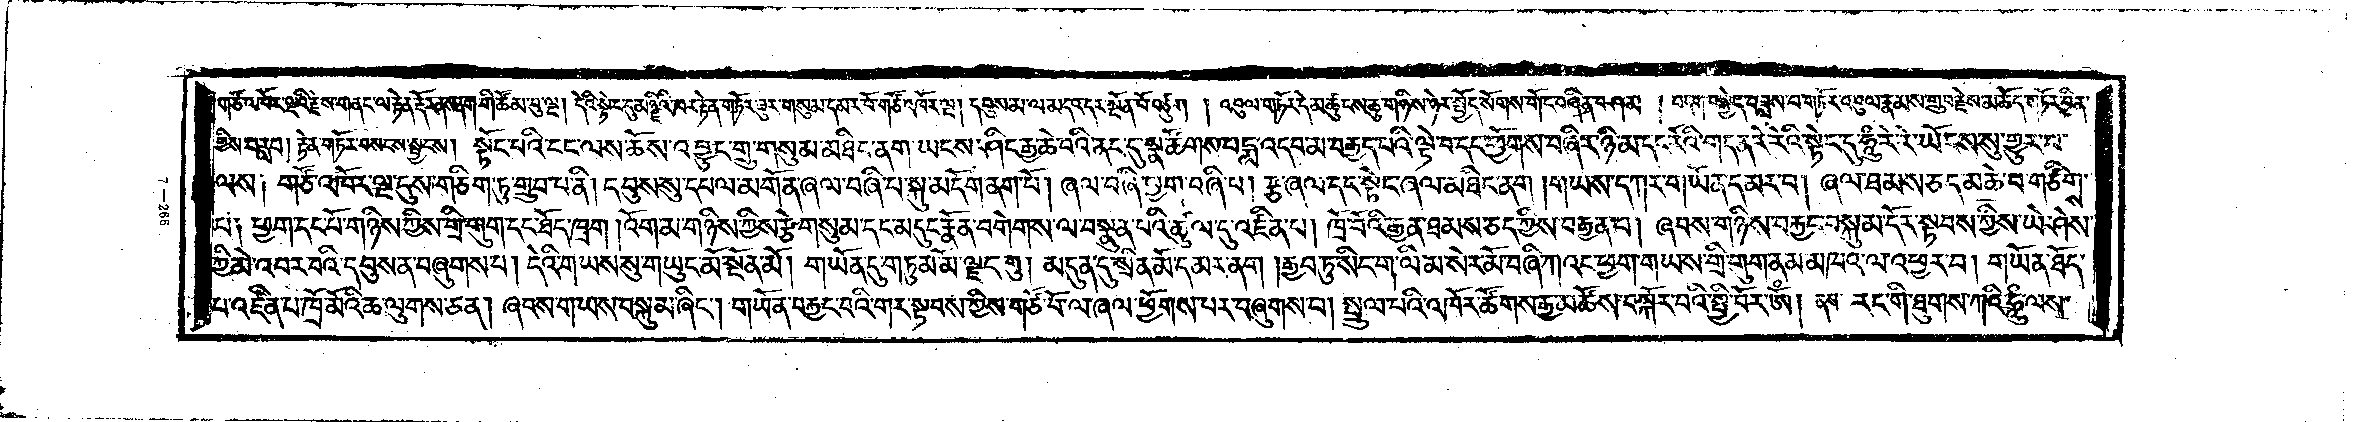གཙོ་འཁོར་ལྔའི་རྗེས་གནང་ལ་རྟེན་རྡོར་ནས་ནག་གི་ཚོམ་བུ་ལྔ། དེའི་སྟེང་དུ་མཉྫིའི་ཁར་རྟེན་གཏོར་ཟུར་གསུམ་དམར་པོ་གཙོ་འཁོར་ལྔ། དབུས་མ་ལ་མདའ་དར་སྔོན་པོ་བཙུག། འབུལ་གཏོར་དེ་མཚུངས་ཆུ་གཉིས་ཉེར་སྤྱོད་སོགས་གོང་བཞིན་བཤམ། བདག་བསྐྱེད་བཟླས་པ་གཏོར་འབུལ་རྣམས་གྲུབ་རྗེས་མཆོད་གཏོར་གྱིས་
བྱིན་བརླབ། རྟེན་གཏོར་བསངས་སྦྱངས། སྟོང་པའི་ངང་ལས་ཆོས་འབྱུང་གྲུ་གསུམ་མཐིང་ནག་ཡངས་ཤིང་རྒྱ་ཆེ་བའི་ནང་དུ་སྣ་ཚོགས་པདམ་འདབ་མ་བརྒྱད་པའི་ལྟེ་བ་དང་ཕྱོགས་བཞིར་ཉི་མ་དང་རོའི་གདན་རེ་རེའི་སྟེང་དུ་ཧཱུཾ་རེ་རེ་ཡོངས་སུ་གྱུར་པ་
ལས། གཙོ་འཁོར་ལྔ་དུས་གཅིག་ཏུ་གྲུབ་པ་ནི། དབུས་སུ་དཔལ་མགོན་ཞལ་བཞི་པ་སྐུ་མདོག་ནག་པོ། ཞལ་བཞི་ཕྱག་བཞི་པ། རྩ་ཞལ་དང་སྟེང་ཞལ་མཐིང་ནག །གཡས་དཀར་གཡོན་དམར་པ། ཞལ་ཐམས་ཅད་མཆེ་བ་གཅིགས་
པ། ཕྱག་དང་པོ་གཉིས་ཀྱིས་གྲི་གུག་དང་ཐོད་ཁྲག །འོག་མ་གཉིས་ཀྱིས་རྩེ་གསུམ་དང་མདུང་རྣོན་བགེགས་ལ་བསྣུན་པའི་ཚུལ་དུ་འཛིན་པ། ཁྲོ་བོའི་རྒྱན་ཐམས་ཅད་ཀྱིས་བརྒྱན་པ། ཞབས་གཉིས་བརྐྱང་བསྐུམ་དོར་སྟབས་ཀྱིས་ཡེ་ཤེས་
ཀྱི་མེ་འབར་བའི་དབུས་ན་བཞུགས་པ། དེའི་གཡས་སུ་གཡུང་མོ་སྔོན་མོ། གཡོན་དུ་གཏུམ་མོ་ལྗང་གུ། མདུན་དུ་སྲིན་མོ་དམར་ནག །རྒྱབ་ཏུ་ཤིང་ག་ལི་མ་སེར་མོ་བཞི་ཀའང་ཕྱག་གཡས་གྲི་གུག་ནམ་མཁའ་ལ་འཕྱར་བ། གཡོན་ཐོད་
ལ་འཛིན་པ་ཁྲོ་མོའི་ཆ་ལུགས་ཅན། ཞབས་གཡས་བསྐུམ་ཞིང་། གཡོན་བརྐྱང་བའི་གར་སྟབས་ཀྱིས་གཙོ་བོ་ལ་ཞལ་ཕྱོགས་པར་བཞུགས་པ། སྤྲུལ་པའི་འཁོར་ཚོགས་རྒྱ་མཚོས་བསྐོར་བའི་སྤྱི་བོར་ཨོཾ། ནས་རང་གི་ཐུགས་ཀའི་ཧཱུཾ་ལས་